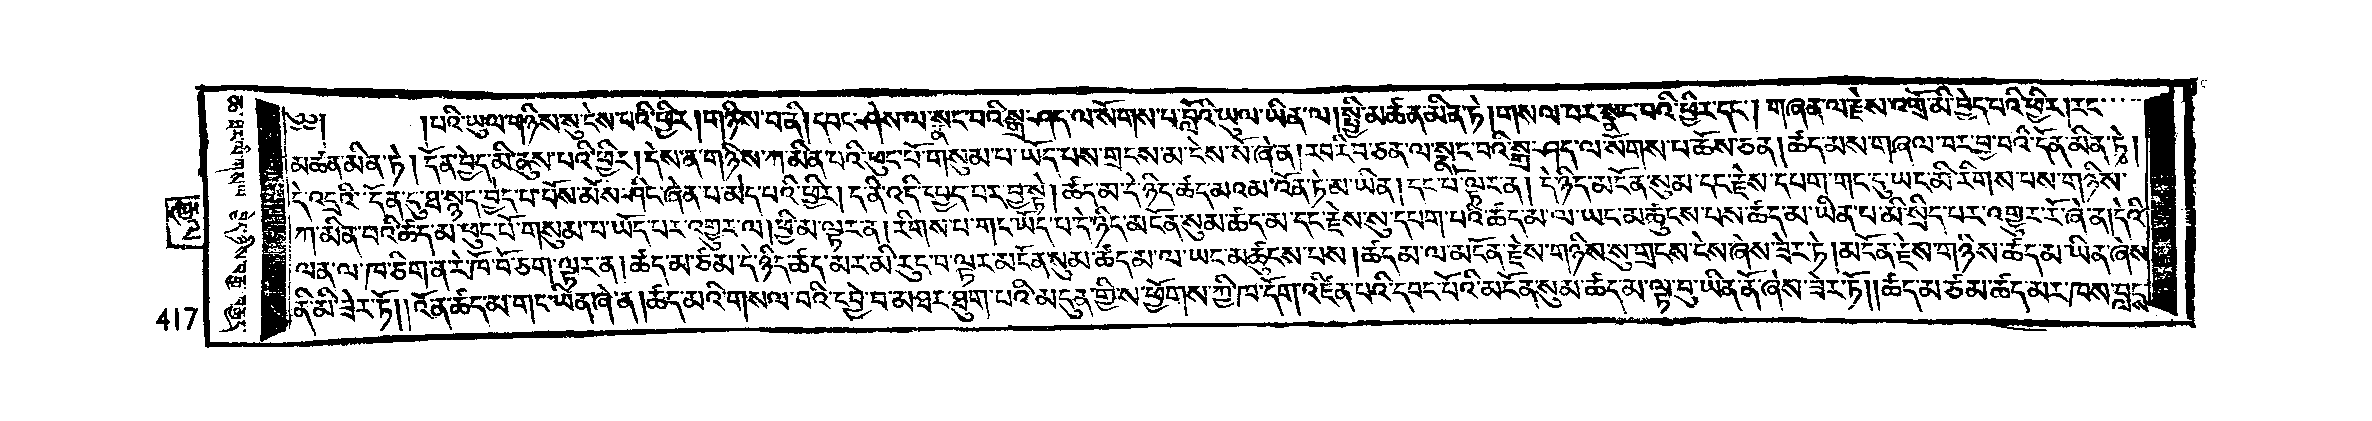༄༅། །པའི་ཡུལ་གཉིས་སུ་ངེས་པའི་ཕྱིར། གཉིས་པ་ནི། དབང་ཤེས་ལ་སྣང་བའི་སྒྲ་ཤད་ལ་སོགས་པ་བློའི་ཡུལ་ཡིན་ལ། སྤྱི་མཚན་མིན་ཏེ། གསལ་བར་སྣང་བའི་ཕྱིར་དང་། གཞན་ལ་རྗེས་འགྲོ་མི་བྱེད་པའི་ཕྱིར། རང་
མཚན་མིན་ཏེ། དོན་བྱེད་མི་ནུས་པའི་ཕྱིར། དེས་ན་གཉིས་ཀ་མིན་པའི་ཕུང་པོ་གསུམ་པ་ཡོད་པས་གྲངས་མ་ངེས་སོ་ཞེ་ན། རབ་རིབ་ཅན་ལ་སྣང་བའི་སྒྲ་ཤད་ལ་སོགས་པ་ཆོས་ཅན། ཚད་མས་གཞལ་བར་བྱ་བའི་དོན་མིན་ཏེ།
དེ་འདྲའི་དོན་དུ་ཐ་སྙད་བྱེད་པ་པོས་མོས་ཤིང་ཞེན་པ་མེད་པའི་ཕྱིར། ད་ནི་འདི་དཔྱད་པར་བྱ་སྟེ། ཚད་མ་དེ་ཉིད་ཚད་མའམ་འོན་ཏེ་མ་ཡིན། དང་པོ་ལྟར་ན། དེ་ཉིད་མངོན་སུམ་དང་རྗེས་དཔག་གང་དུ་ཡང་མི་རིགས་པས་གཉིས་
ཀ་མིན་པའི་ཚད་མ་ཕུང་པོ་གསུམ་པ་ཡོད་པར་འགྱུར་ལ། ཕྱི་མ་ལྟར་ན། རིགས་པ་གང་ཡོད་པ་དེ་ཉིད་མངོན་སུམ་ཚད་མ་དང་རྗེས་སུ་དཔག་པའི་ཚད་མ་ལ་ཡང་མཚུངས་པས་ཚད་མ་ཡིན་པ་མི་སྲིད་པར་འགྱུར་རོ་ཞེ་ན། དེའི་
ལན་ལ་ཁ་ཅིག་ན་རེ་ཁོ་བོ་ཅག་ལྟར་ན། ཚད་མ་ཙམ་དེ་ཉིད་ཚད་མར་མི་རུང་བ་ལྟར་མངོན་སུམ་ཚད་མ་ལ་ཡང་མཚུངས་པས། ཚད་མ་ལ་མངོན་རྗེས་གཉིས་སུ་གྲངས་ངེས་ཞེས་ཟེར་ཏེ། མངོན་རྗེས་གཉིས་ཚད་མ་ཡིན་ཞེས་
ནི་མི་ཟེར་ཏོ། །འོ་ན་ཚད་མ་གང་ཡིན་ཞེ་ན། ཚད་མའི་གསལ་བའི་དབྱེ་བ་མཐར་ཐུག་པའི་མདུན་གྱིས་ཕྱོགས་ཀྱི་ཁ་དོག་འཛིན་པའི་དབང་པོའི་མངོན་སུམ་ཚད་མ་ལྟ་བུ་ཡིན་ནོ་ཞེས་ཟེར་ཏོ། །ཚད་མ་ཙམ་ཚད་མར་ཁས་བླངས་